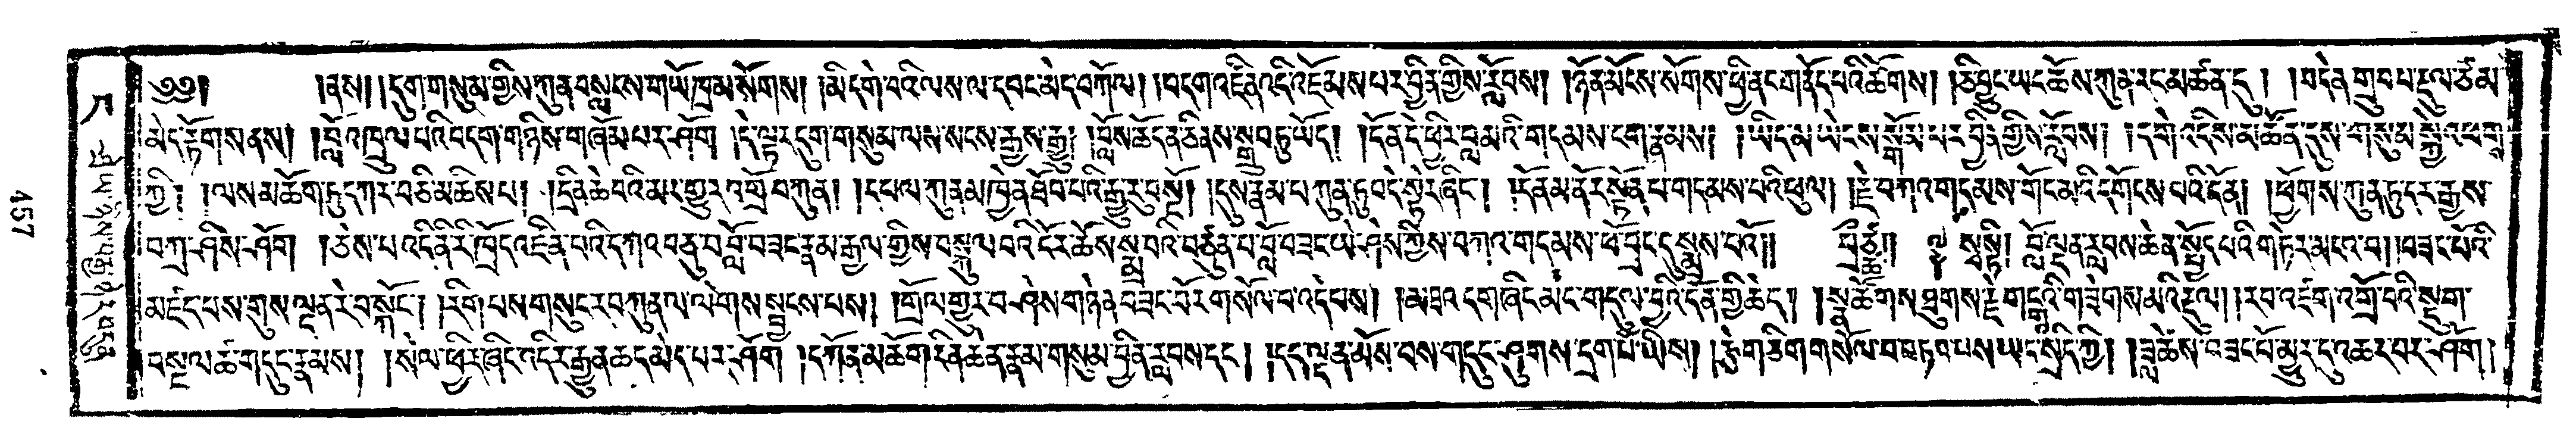༄༅། ། ནས། །དགུ་གསུམ་གྱིས་ཀུན་བསླངས་གཡོ་ཁྲམ་སོགས། ། མི་དགེ་བའི་ལས་ལ་དབང་མེད་བཀོལ། །བདག་འཛིན་འདི་འཇོམས་པར་བྱིན་གྱིས་རློབས། །ཉོན་མོངས་སོགས་ཕྱི་ནང་གནོད་པའི་ཚོགས། ། ཅི་བྱུང་ཡང་ཆོས་ཀུན་རང་མཚན་རུ། །བདེན་གྲུབ་པ་རྡུལ་ཙམ་
མེད་རྟོགས་ནས། །བློ་འཁྲུལ་པའི་བདག་གཉིས་གཞོམ་པར་ཤོག །དེ་ལྟར་དུག་གསུམ་ལས་སངས་རྒྱས་རྒྱུ། །བློས་ཆོད་ན་ཅི་ནས་སྒྲུབ་ཏུ་ཡོད། །དོན་དེ་ཕྱིར་བླ་མའི་གདམས་ངག་རྣམས། །ཡིད་མ་ཡེངས་སྒོམ་པར་བྱིན་གྱིས་རློབས། །དགེ་འདིས་མཚོན་དུས་གསུམ་སྐྱེ་འཕགས་
ཀྱི། །ལས་མཆོག་ཏུ་དཀར་བ་ཅི་མཆིས་པ། །དྲིན་ཆེ་བའི་མར་གྱུར་འགྲོ་བ་ཀུན། །དཔལ་ཀུན་མཁྱེན་ཐོབ་པའི་རྒྱུ་རུ་བསྔོ། །དུས་རྣམ་པ་ཀུན་ཏུ་བདེ་སྟེར་ཞིང་། །དོན་མངོར་སྟོན་པ་གདམས་པའི་ཕུལ། །རྗེ་བཀའ་གདམས་གོང་མའི་དགོངས་བའི་དོན། །ཕྱོགས་ཀུན་ཏུ་དར་རྒྱས་
བཀྲ་ཤིས་ཤོག། །ཅེས་པ་འདི་ནི་རི་ཁྲོད་འཛིན་པའི་དཀའ་བཅུ་བ་བློ་བཟང་ནས་རྒྱལ་གྱིས་བསྐུལ་བའི་ངོར་ཆོས་སྨྲ་བའི་བཙུན་པ་བློ་བཟང་ཡེ་ཤེས་ཀྱིས་བཀའ་གདམས་ཕོ་བྲང་དུ་སྨྲས་པའོ།། པྲྀཙྪ། །༈སྭྶྟི། བློ་ལྡན་རླབས་ཆེན་སྤྱོད་པའི་གཏེར་མངའ་བ། །བཟང་པོའི་
མཛད་པས་གུས་ལྡན་རེ་བ་སྐོང་། །རིག་པས་གསུང་རབ་ཀུན་ལ་ལེགས་སྦྱངས་པས། །གྲོལ་གྱུར་བཤེས་གཉེན་བཟང་བོར་གསོལ་བ་འདེབས། །མཐའ་དག་ཞིང་མང་གདུལ་བྱའི་དོན་གྱི་ཆེད། །སྣ་ཚོགས་ཐུགས་རྗེ་གངྒའི་གཟེགས་མའི་རྡུལ། །རབ་འཛག་འགྲོ་བའི་སྡུག་
བསྔལ་ཚ་གདུང་རྣམས། །སེལ་ཕྱིར་ཞིང་འདིར་རྒྱུན་ཆད་མེད་པར་ཤོག །དཀོན་མཆོག་རིན་ཆེན་རྣམ་གསུམ་བྱིན་རླབས། །དད་ལྡན་མོས་བས་གདུང་ཤུགས་དྲག་པོ་ཡིས། །རྩེ་གཅིག་གསོལ་བ་བཏབ་པས་ཡང་སྲིད་ཀྱི། །ཟླ་ཚེས་བཟང་པོ་མྱུར་དུ་འཆད་བར་ཤོག།